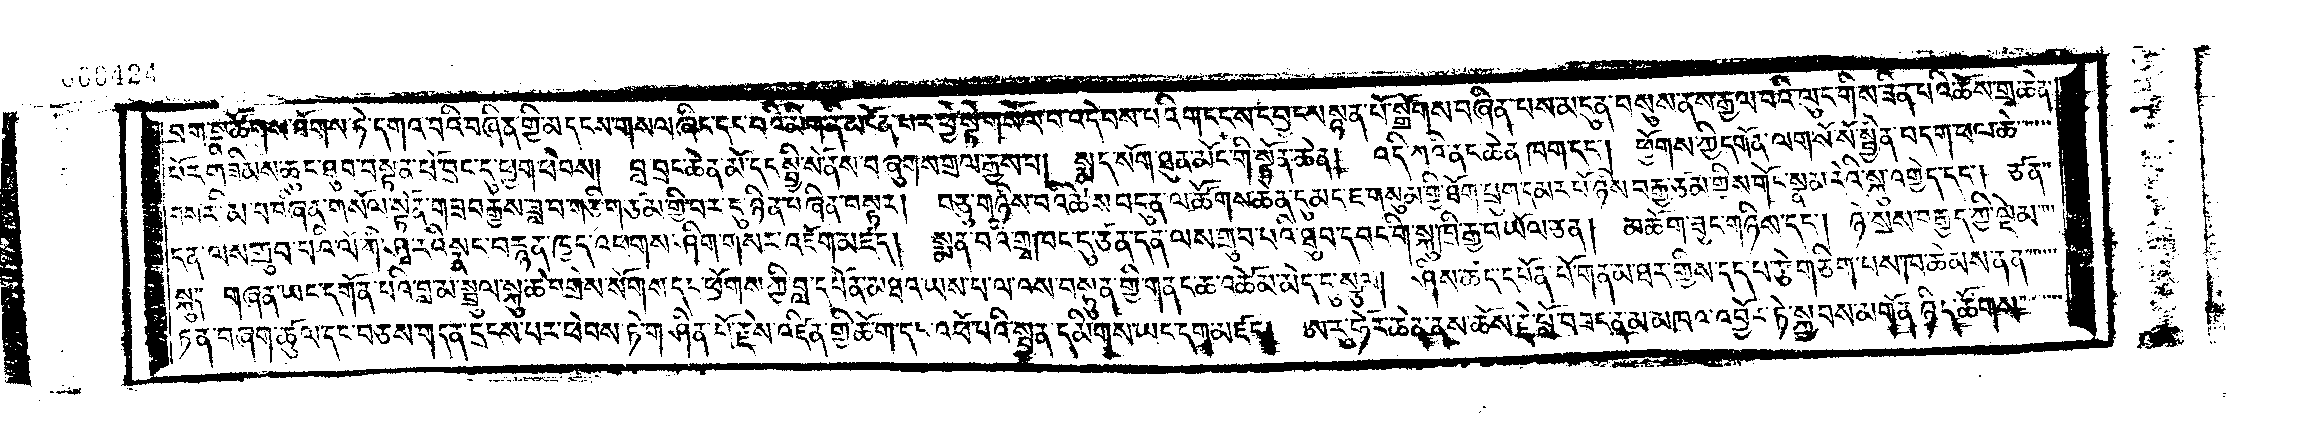བྲག་སྣ་ཚོགས་ཐོགས་ཏེ་དགའ་བའི་བཞིན་གྱི་མདངས་གསལ་ཞིང་དང་པའི་མིག་ནི་མངོན་པར་ཕྱེ་སྟེ་གསོལ་བ་འདེབས་པའི་གདངས་དབྱངས་སྙན་པོ་སྒྲོགས་བཞིན་པས་མདུན་བསུས་ནས་རྒྱལ་བའི་ལུང་གིས་ཟིན་པའི་ཆོས་གྲྭ་ཆེན་
པོར་གཟིམས་ཆུང་ཐུབ་བསྟན་ཕོ་བྲང་དུ་ཕྱག་ཕེབས། བླ་བྲང་ཆེན་མོ་དང་སྤྱི་སོ་ནས་བཞུགས་གྲལ་རྒྱས་པ། སྨད་སོག་ཐུན་མོང་གི་སྟོན་ཆེན། འདི་ཀའི་ནང་ཆེན་ཁག་དང་། ཕྱོགས་ཀྱི་དགོན་ལག་སོ་སོ་སྦྱིན་བདག་ཕལ་ཆེ་
བས་རིམ་པ་བཞིན་གསོལ་སྟོན་གཟབ་རྒྱས་ཟླ་བ་གཅིག་ཙམ་གྱི་བར་དུ་ཉིན་བཞིན་བསྟར། བཅུ་གཉིས་པའི་ཚེས་བདུན་ལ་ཚོགས་ཆེན་དུ་མང་ཇ་གསུམ་གྱི་ཐོག་ཕྲུག་དམར་པོ་ཉིས་བརྒྱ་ཙམ་གྱིས་གོང་སྣམ་རེའི་སྐུ་འབྱེད་དང་། ཙན་
དན་ལས་གྲུབ་པའི་ལོ་ཀི་ཤྭ་རའི་སྣང་བརྙན་ཁྱད་འཕགས་ཤིག་གསར་འཇོག་མཛད། སྨན་པའི་གྲྭ་ཁང་དུ་ཙན་དན་ལས་གྲུབ་པའི་ཐུབ་དབང་གི་སྐུ་ཁྲི་རྒྱབ་ཡོལ་ཅན། མཆོག་ཟུང་གྱིས་དང་། ཉེ་སྲས་བརྒྱད་ཀྱི་ལྡེམ་
སྐུ༑ གཞན་ཡང་དགོན་པའི་བླ་མ་སྤྲུལ་སྐུ་ཆེ་བགྲེས་སོགས་དང་ཕྱོགས་ཀྱི་བླ་དཔོན་མཐའ་ཡས་པ་ལ་འོས་བསྟུན་གྱི་གནང་ཆ་འཚེམ་མེད་དུ་སྩལ། ཤིས་ཚང་དཔོན་བོ་གནམ་ཐར་གྱིས་དད་པ་རྩེ་གཅིག་པས་ཁ་ཆེམས་ནན་
ཏན་བཞག་ཚུལ་དང་བཅས་གདན་དྲངས་པར་ཕེབས་ཏེ་གཤིན་པོ་རྗེས་འཛིན་གྱི་ཆོ་ག་དང་འཕོ་པའི་སྤྱན་དམིགས་ཡང་དག་མཛད། ཨ་རུ་ཧོར་ཆེན་ནས་ཆོས་རྗེ་བློ་བཟང་ནམ་མཁའ་འབྱོར་ཏེ་སྐྱབས་མགོན་ཉིད་ཚོགས་